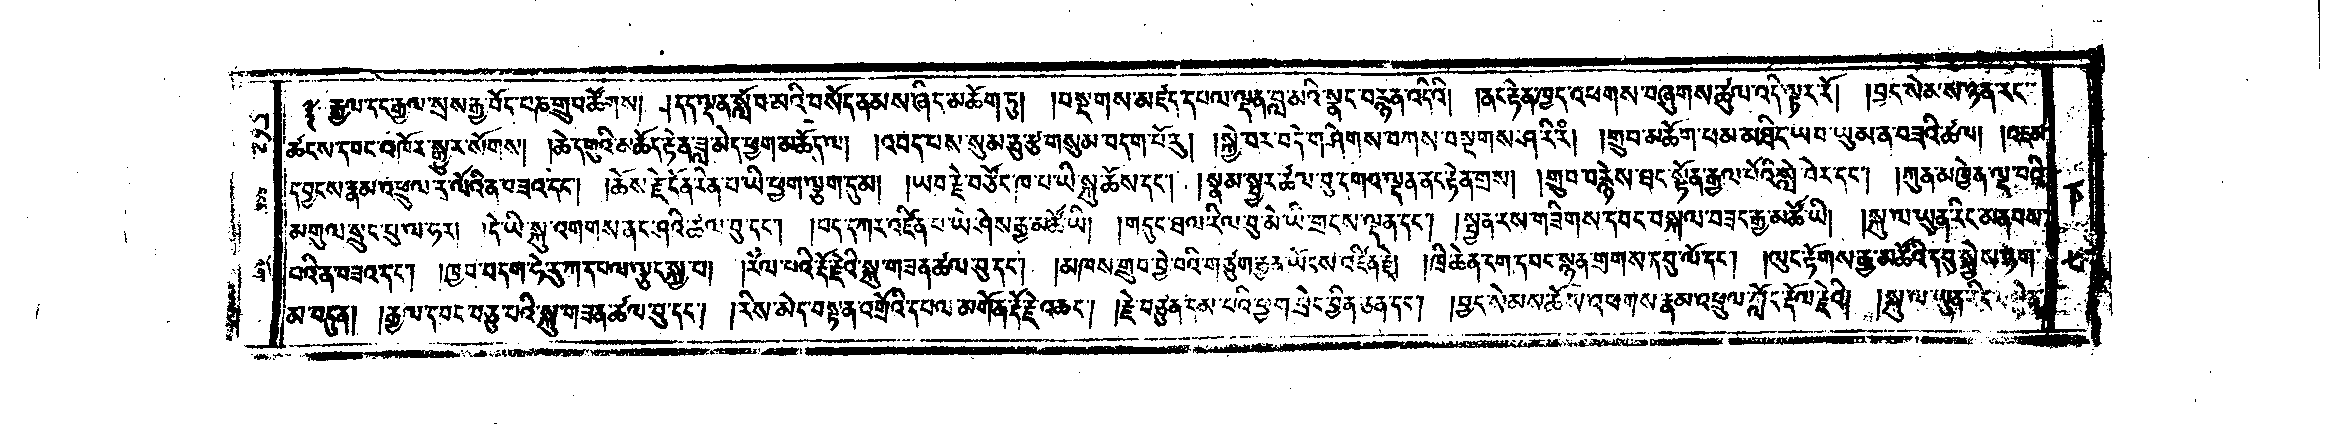༈ རྒྱལ་དང་རྒྱལ་སྲས་རྒྱ་བོད་པཎ་གྲུབ་ཚོགས། །དད་ལྡན་སློབ་མའི་བསོད་ནམས་ཞིང་མཆོག་ཏུ། །བསྔགས་མཛད་དཔལ་ལྡན་བླ་མའི་སྣང་བརྙན་འདིའི། །ནང་རྟེན་ཁྱད་འཕགས་བཞུགས་ཚུལ་འདི་ལྟར་རོ། །བྱང་སེམས་ཉན་རང་
ཚངས་དབང་འཁོར་སྒྱུར་སོགས། །ཆེ་དགུའི་མཆོད་རྟེན་ཟླ་མེད་ཕྱག་མཆོད་ལ། །འབད་པས་སུམ་ཅུ་རྩ་གསུམ་བདག་པོ་རུ། །སྐྱེ་བར་བདེ་གཤེགས་བཀས་བསྔགས་ཤ་རི་རི། །གྲུབ་མཆོག་ཕམ་མཐིང་ཡབ་ཡུམ་ན་བཟའི་ཚལ། །འཇམ་
དབྱངས་རྣམ་འཕྲུལ་རྭ་ལོའི་ན་བཟའ་དང་། །ཆོས་རྗེ་དོན་རིན་པ་ཡི་ཕྱག་ལྕག་དུམ། །ཡབ་རྗེ་བཙོང་ཁ་པ་ཡི་སྐུ་ཆོས་དང་། །སྣམ་སྦྱར་ཚལ་བུ་དགའ་ལྡན་ནང་རྟེན་གྲས། །གྲུབ་བརྙེས་ཐང་སྟོན་རྒྱལ་པོའི་སླེ་བེར་དང་། །ཀུན་མཁྱེན་ལྔ་པའི་
མགུལ་སྲུང་པུ་ལ་ཧར། །དེ་ཡི་སྐུ་འགགས་ནང་ཤའི་ཚལ་བུ་དང་། །པད་དཀར་འཛིན་པ་ཡེ་ཤེས་རྒྱ་མཚོ་ཡི། །གདུང་ཐལ་རིལ་བུ་མེ་ཡི་གྲངས་ལྡན་དང་། །སྤྱན་རས་གཟིགས་དབང་བསྐལ་བཟང་རྒྱ་མཚོ་ཡི། །སྐུ་ལ་ཡུན་རིང་མན་བས་
པའི་ན་བཟའ་དང་། །ཁྱབ་བདག་ཧེ་རུ་ཀ་དཔལ་ལྕང་སྐྱ་པ། །རོལ་པའི་རྡོ་རྗེའི་སྐུ་གཟན་ཚལ་བུ་དང་། །མཁས་གྲུབ་བྱེ་བའི་གཙུག་རྒྱན་ཡོངས་འཛིན་རྗེ། །ཁྲི་ཆེན་ངག་དབང་སྙན་གྲགས་དབུ་ལོ་དང་། །ལུང་རྟོགས་རྒྱ་མཚོའི་དབུ་སྐྱེས་ཉག་
མ་བདུན། །རྒྱལ་དབང་བཅུ་པའི་སྐུ་གཟན་ཚལ་བུ་དང་། །རིས་མེད་བསྟན་འགྲོའི་དཔལ་མགོན་རྡོ་རྗེ་འཆང་། །རྗེ་བཙུན་དམ་པའི་ཕྱག་ཕྲེང་བྱིན་ཅན་དང་། །བྱང་སེམས་ཆོས་འཕགས་རྣམ་འཕྲུལ་ཀློང་རྡོལ་རྗེའི། །སྐུ་ལ་ཡུན་རིང་བསྟེན་